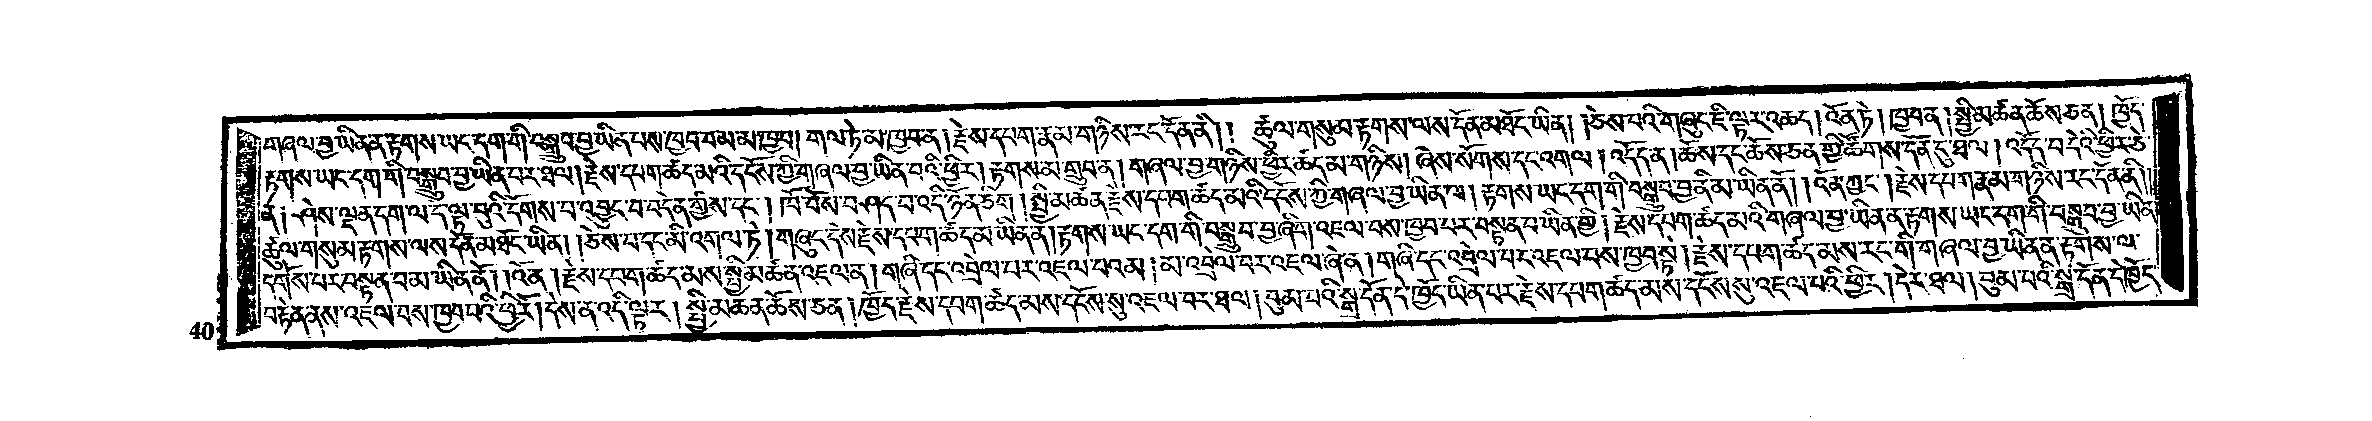གཞལ་བྱ་ཡིན་ན་རྟགས་ཡང་དག་གི་བསྒྲུབ་བྱ་ཡིན་པས་ཁྱབ་པ་མ་མ་ཁྱབ། གལ་ཏེ་མ་ཁྱབ་ན། རྗེས་དཔག་རྣམ་གཉིས་རང་དོན་ནི། །ཚུལ་གསུམ་རྟགས་ལས་དོན་མཐོང་ཡིན། །ཅེས་པའི་གཞུང་ཇི་ལྟར་འཆད། འོན་ཏེ། ཁྱབ་ན། སྤྱི་མཚན་ཆོས་ཅན། ཁྱོད་
རྟགས་ཡང་དག་གི་བསྒྲུབ་བྱ་ཡིན་པར་ཐལ། རྗེས་དཔག་ཚད་མའི་དངོས་ཀྱི་གཞལ་བྱ་ཡིན་པའི་ཕྱིར། རྟགས་མ་གྲུབ་ན། གཞལ་བྱ་གཉིས་ཕྱིར་ཚད་མ་གཉིས། ཞེས་སོགས་དང་འགལ། འདོད་ན། ཆོས་དང་ཆོས་ཅན་གྱི་ཚོགས་དོན་དུ་ཐལ། འདོད་པ་དེའི་ཕྱིར་ཅེ་
ན། ཤེས་ལྡན་དག་ལ་དེ་ལྟ་བུའི་དོགས་པ་འབྱུང་བ་བདེན་གྱིས་དང་། ཁོ་བོས་བཤད་པ་འདི་ཉོན་ཅིག །སྤྱི་མཚན་རྗེས་དཔག་ཚད་མའི་དངོས་ཀྱི་གཞལ་བྱ་ཡིན་ལ། རྟགས་ཡང་དག་གི་བསྒྲུབ་བྱ་ནི་མ་ཡིན་ནོ། །འོན་ཀྱང་། རྗེས་དཔག་རྣམ་གཉིས་རང་དོན་ནི། །
ཚུལ་གསུམ་རྟགས་ལས་དོན་མཐོང་ཡིན། །ཅེས་པ་དང་མི་འགལ་ཏེ། གཞུང་དེས་རྗེས་དཔག་ཚད་མ་ཡིན་ནོ། རྟགས་ཡང་དག་གི་བསྒྲུབ་བྱ་ཞིག་འཇལ་བས་ཁྱབ་པར་བསྟན་པ་ཡིན་གྱི། རྗེས་དཔག་ཚད་མའི་གཞལ་བྱ་ཡིན་ན་རྟགས་ཡང་དག་གི་བསྒྲུབ་བྱ་ཡིན་
དགོས་པར་བསྟན་པ་མ་ཡིན་ནོ། །འོ་ན། རྗེས་དཔག་ཚད་མས་སྤྱི་མཚན་འཇལ་ན། གཞི་དང་འབྲེལ་པར་འཇལ་བའམ། མ་འབྲེལ་བར་འཇལ་ཞེ་ན། གཞི་དང་འབྲེལ་པར་འཇལ་བས་ཁྱབ་སྟེ། རྗེས་དཔག་ཚད་མས་རང་གི་གཞལ་བྱ་ཡིན་ན་རྟགས་ལ་
བརྟེན་ནས་འཇལ་བས་ཁྱབ་པའི་ཕྱིར་རོ། དེས་ན་འདི་ལྟར། སྤྱི་མཚན་ཆོས་ཅན། ཁྱོད་རྗེས་དཔག་ཚད་མས་དངོས་སུ་འཇལ་བར་ཐལ། བུམ་པའི་སྐྲ་དོན་ད་ཁྱོད་ཡིན་པར་རྗེས་དཔག་ཚད་མས་དངོས་སུ་འཇལ་བའི་ཕྱིར། དེར་ཐལ། བུམ་པའི་སྒྲ་དོན་དེ་ཁྱོད་